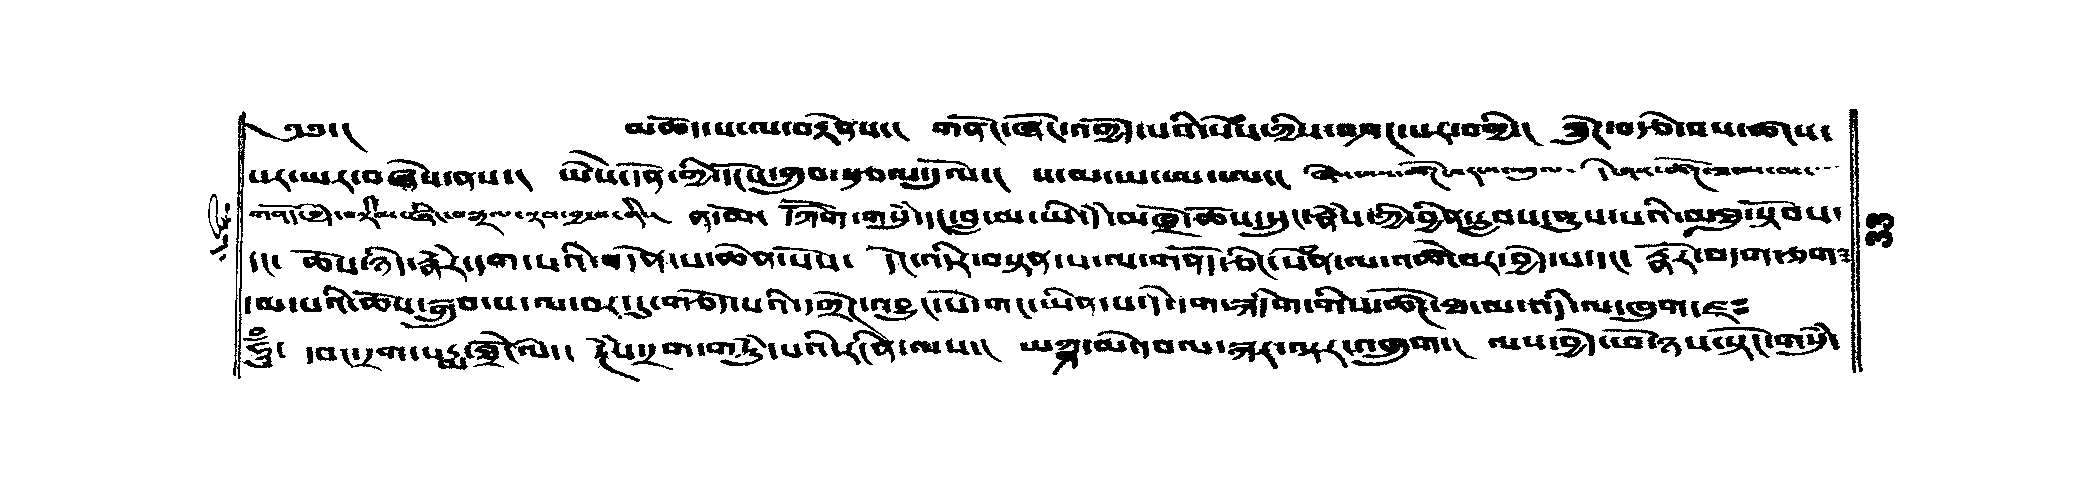མཆོད་པ་ལ་བརྟེན་ནས། ། གནོང་ཞོང་འགྱོད་པའི་སེམས་ཀྱིས་བཤགས་པར་བགྱི། །ཐུགས་རྗེ་བརྩེ་བས་ཚངས་
པར་ཡར་བཞེས་ནས། །ཡེ་ཤེས་དོན་གྱི་དངོས་གྲུབ་སྩལ་དུ་གསོལ། །ས་མ་ཡ་ཨ་ཨ་ཨ། ་་་་་་་་་་
ཞེས་པས་ཚོགས་ཐ་མ་ལ་གནོད་བྱེད་བསྟིམ་ཞིང་བསྒྲལ་བལྟབ་བྱ་བ་ནི། ན་མོ། དཀོན་མཆོག་གསུམ་དང་བླ་མ་ཡི་དམ་མཁའ་འགྲོ་ཆོས་སྲུང་རྣམས་ཀྱི་བྱིན་རླབས་ནུས་པའི་མཐུ་སྟོབས་
དང་། ཆོས་ཉིད་རྣམ་པར་དག་པའི་བདེན་པ་ཆེན་པོས། དེང་འདིར་བསྟན་པ་ལ་གནོད་ཅིང་སེམས་ཅན་ལ་འཚེ་བར་བྱེད་པ་དང་། རྣལ་འབྱོར་བདག་ཅག་
དམ་པའི་ཆོས་སྒྲུབ་པ་ལ་བར་དུ་གཅོད་པའི་དགྲ་གེགས་འབྱུང་པོ་གང་ཡིན་པ་སྐད་ཅིག་གིས་ཚོགས་ཐ་མ་འདི་ལ་ཁུག་ཛཿ 
ཧཱུ། དབང་དྲག་པདྨ་ཐོད་ཕྲེང་རྩལ། །རྔམས་དྲག་གཏུམ་པའི་རང་བཞིན་ལས། །ཡཀྴ་མེ་དབལ་སྐར་ལྟར་འཁྲུག་ལས་བྱེད་ཕོ་ཉས་སྟོང་གསུམ་